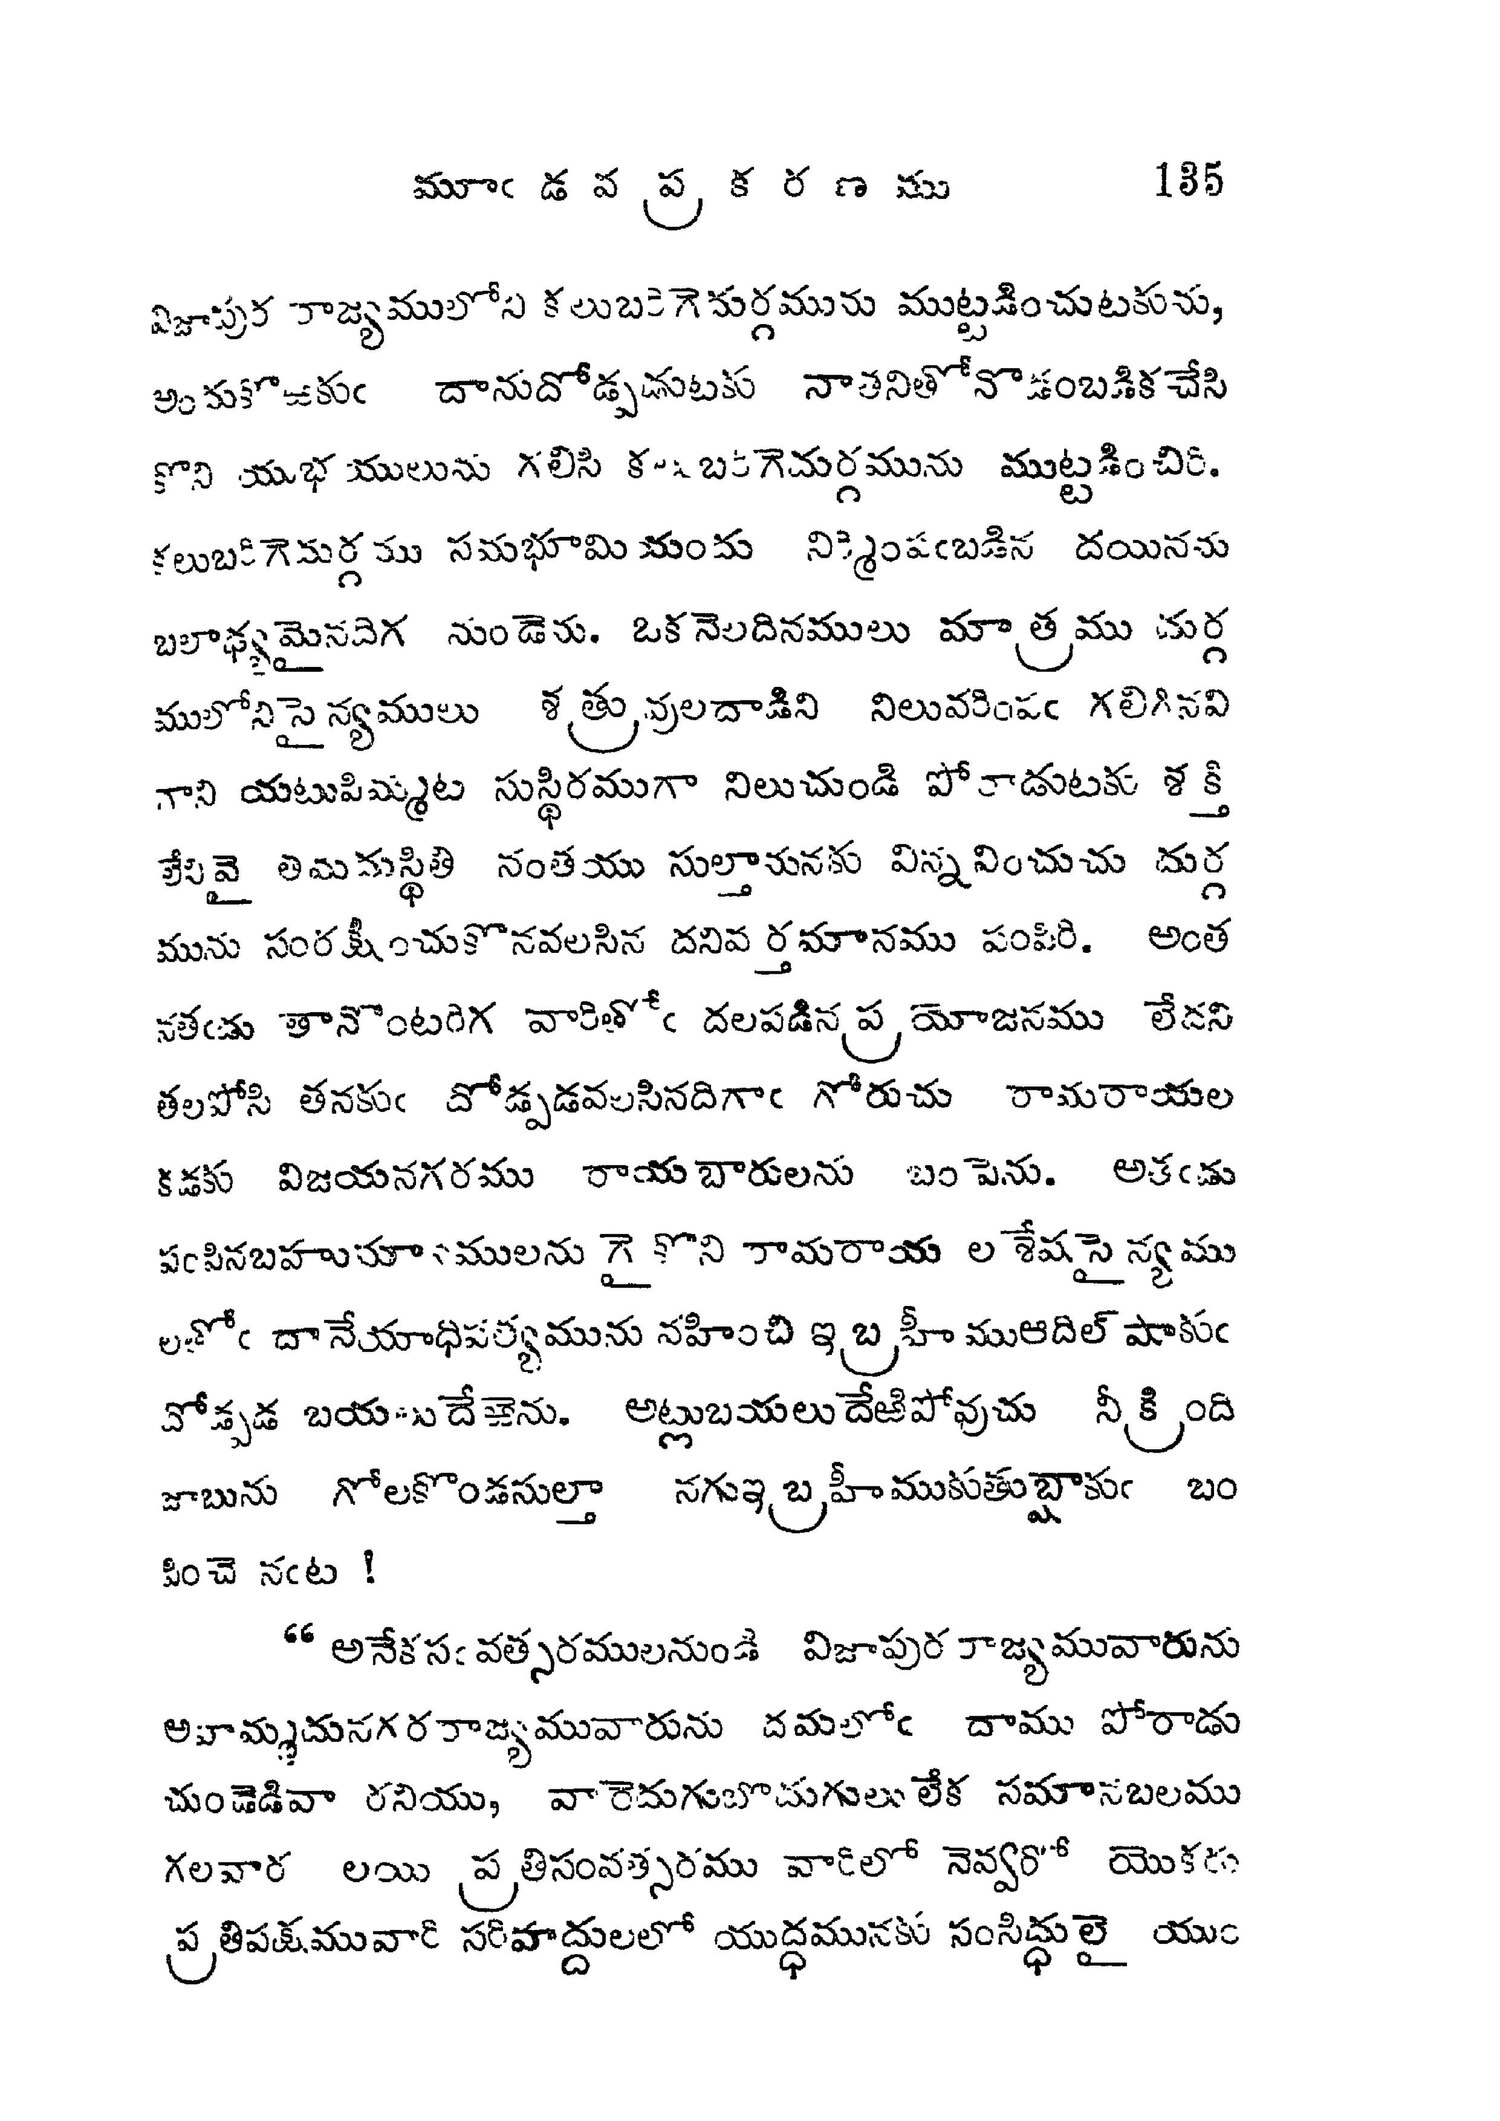విజాపుర రాజ్యములోని కలుబరిగెదుర్గమును ముట్టడించుటకును, అందుకొఱకు దానుదోడ్పడుటకు నాతనితోనొడంబడికచేసికొని యుభయులును గలిసి కలుబరిగెదుర్గమును ముట్టడించిరి. కలుబరిగెదుర్గము సమభూమియందు నిర్మింపబడిన దయినను బలాడ్యమైనదిగ నుండెను. ఒకనెలదినములు మాత్రము దుర్గములోని సైన్యములు శత్రువులదాడిని నిలువరింప గలిగినవిగాని యటుపిమ్మట సుస్థిరముగా నిలుచుండి పోరాడుటకు శక్తిలేనివై తమదుస్థితి నంతయు సుల్తానునకు విన్నవించుచు దుర్గమును సంరక్షించుకొనవలసిన దనివర్తమానము పంపిరి. అంతనతడు తానొంటరిగ వారితో దలపడిన ప్రయోజనము లేదని తలపోసి తనకు దోడ్పడవలసినదిగా గోరుచు రామరాయలకడకు విజయనగరము రాయబారులను బంపెను. అతడు పంపినబహుమానములను గైకొని రామరాయల లశేషసైన్యములతో దానేయాధిపత్యమును వహించి ఇబ్రహీముఆదిల్‌షాకు దోడ్పడ బయలుదేఱెను. అట్లుబయలుదేఱిపోవుచు నీక్రింది జాబును గోలకొండసుల్తా నగుఇబ్రహీముకుతుబ్షాకు బంపించెనట !

"అనేక సంవత్సరములనుండి విజాపురరాజ్యమువారును అహమ్మదునగరరాజ్యమువారును దమలో దాము పోరాడుచుండెడివా రనియు, వారెదుగుబొదుగులులేక సమానబలము గలవార లయి ప్రతిసంవత్సరము వారిలో నెవ్వరో యొకరు ప్రతిపక్షమువారి సరిహద్దులలో యుద్ధమునకు సంసిద్ధులై యుం